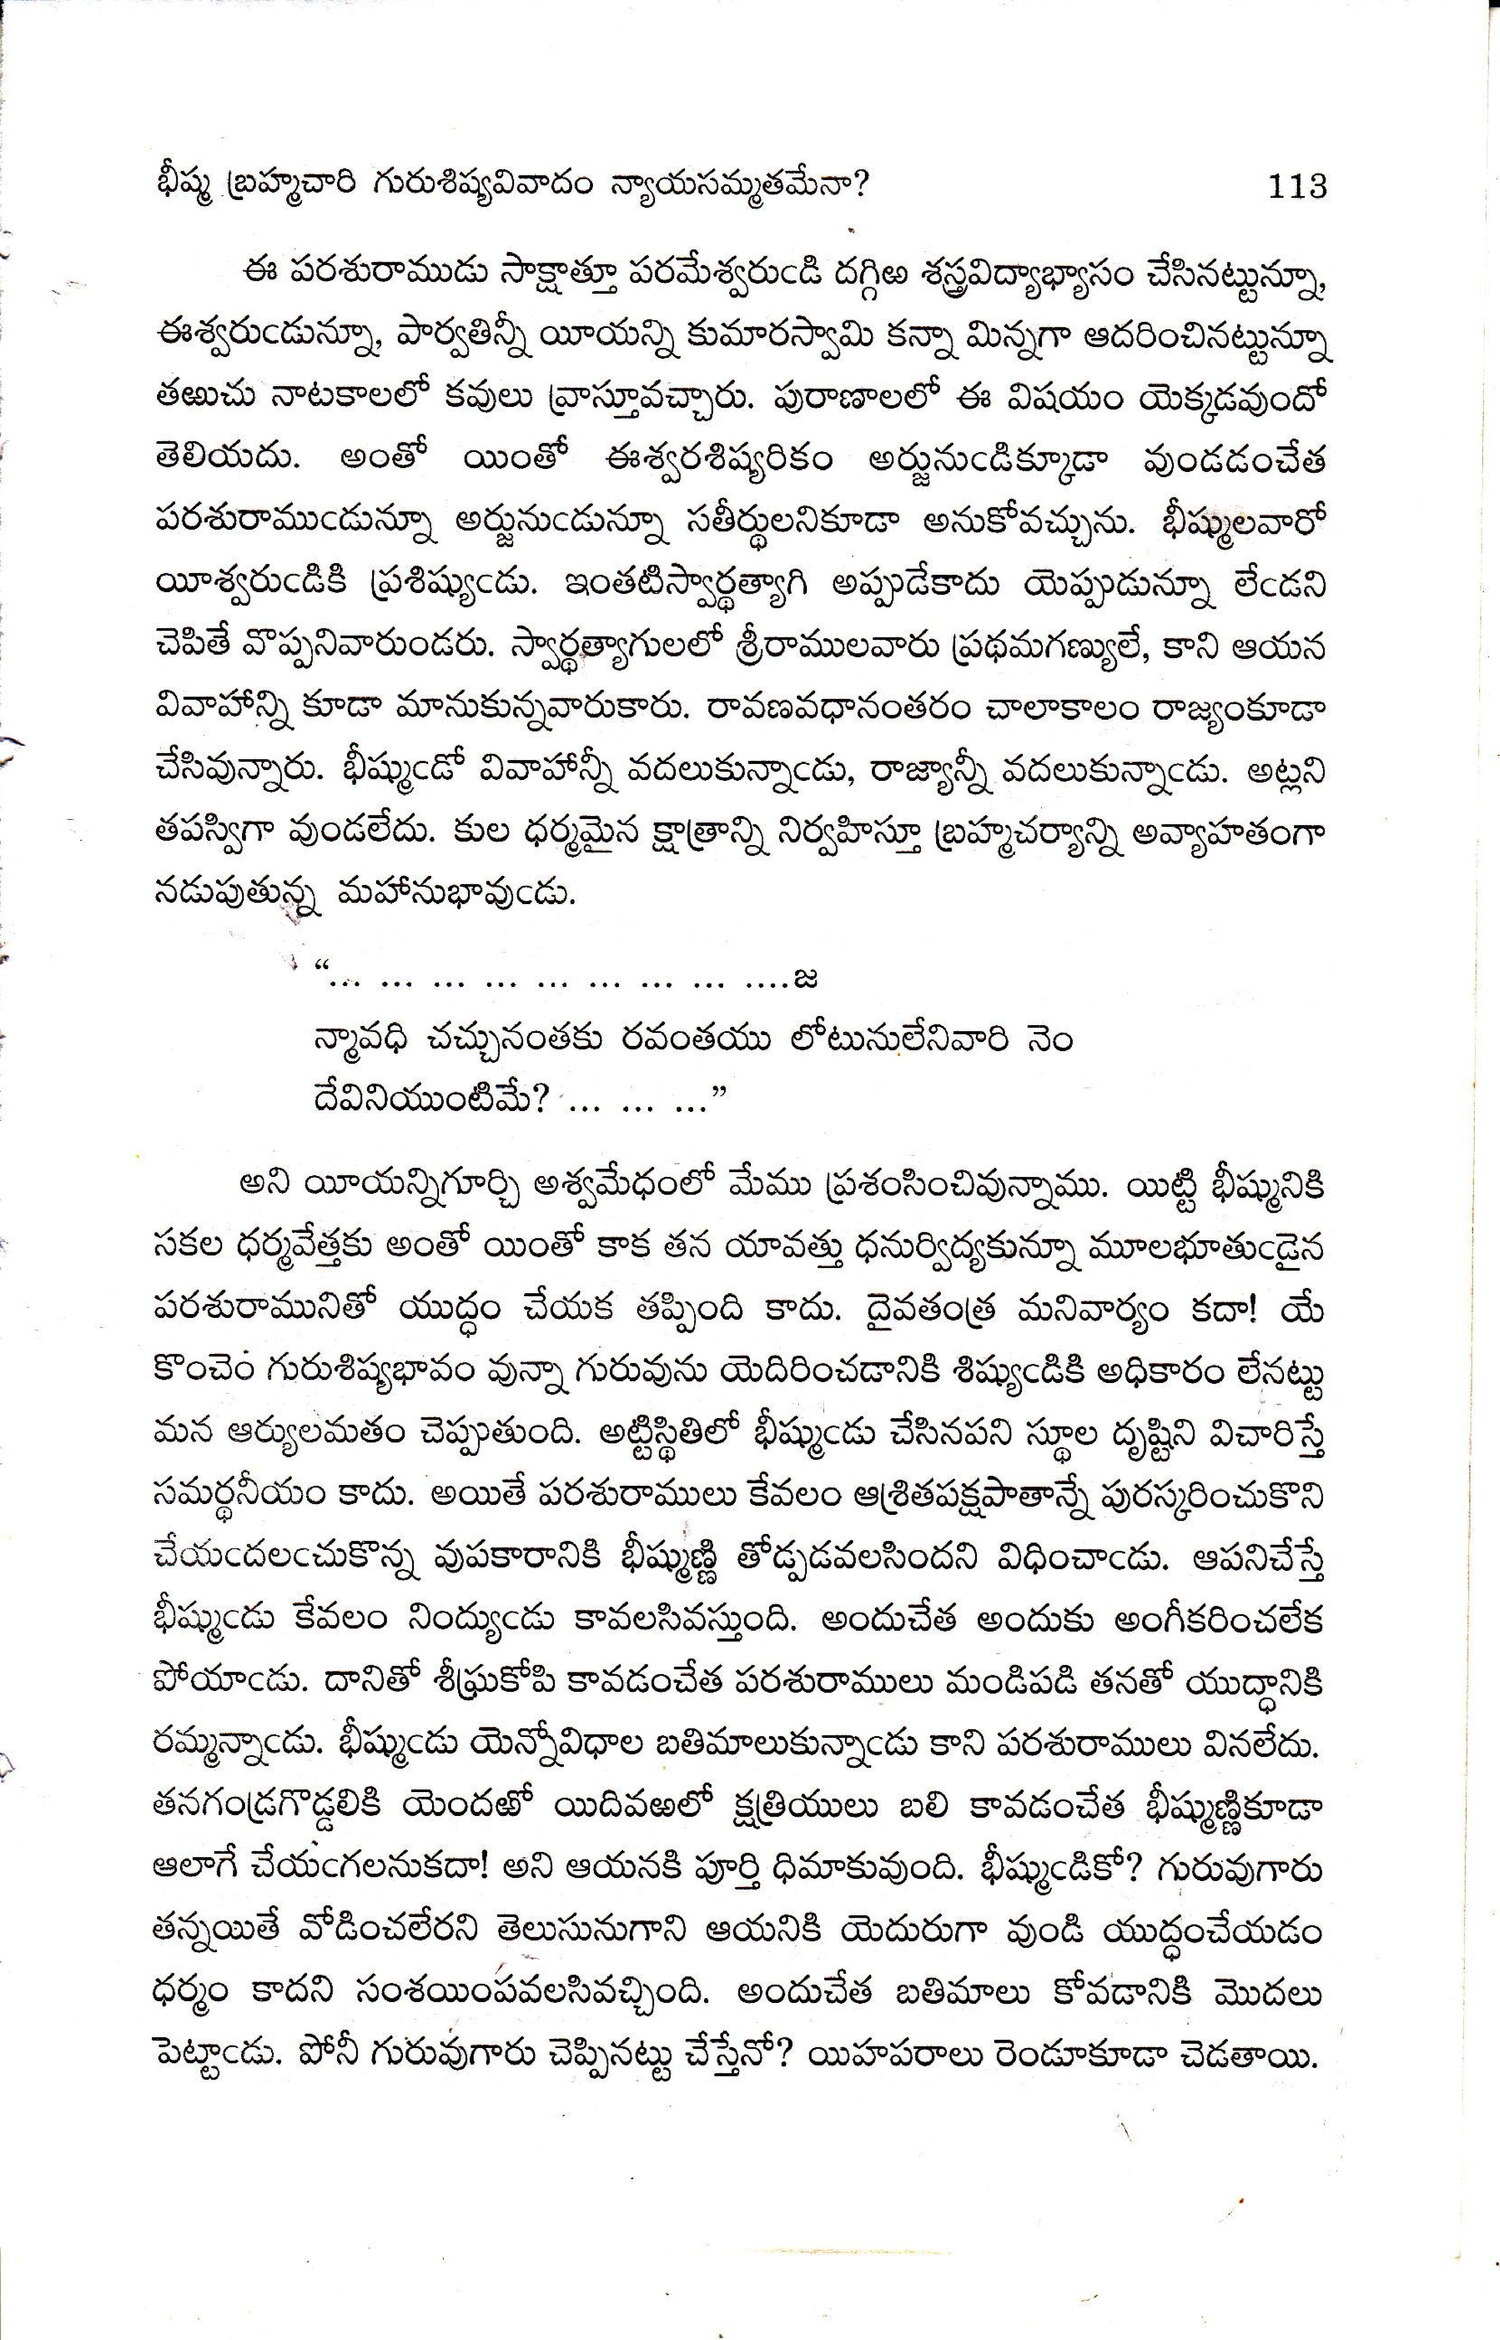ఈ పరశురాముడు సాక్షాత్తూ పరమేశ్వరుండి దగ్గిఱ శస్త్రవిద్యాభ్యాసం చేసినట్టున్నూ, ఈశ్వరుండున్నూ, పార్వతిన్నీ యీయన్ని కుమారస్వామి కన్నా మిన్నగా ఆదరించినట్టున్నూ తఱుచు నాటకాలలో కవులు వ్రాస్తూవచ్చారు. పురాణాలలో ఈ విషయం యొక్కడవుందో తెలియదు. అంతో యింతో ఈశ్వరశిష్యరికం అర్జునుండిక్కూడా వుండడంచేత పరశురాముండున్నూ అర్జునుండున్నూ సతీర్ధులనికూడా అనుకోవచ్చును. భీష్మలవారో యీశ్వరుcడికి ప్రశిష్యుCడు. ఇంతటిస్వార్థత్యాగి అప్పడేకాదు యెప్పడున్నూ లేఁడని చెపితే వొప్పనివారుండరు. స్వార్ధత్యాగులలో శ్రీరాములవారు ప్రథమగణ్యులే, కాని ఆయన వివాహాన్ని కూడా మానుకున్నవారుకారు. రావణవధానంతరం చాలాకాలం రాజ్యంకూడా చేసివున్నారు. భీష్ముండో వివాహాన్నీ వదలుకున్నాండు, రాజ్యాన్నీ వదలుకున్నాండు. అట్లని తపస్విగా వుండలేదు. కుల ధర్మమైన క్షాత్రాన్ని నిర్వహిస్తూ బ్రహ్మచర్యాన్ని అవ్యాహతంగా
"... ... ... ... ... ... ...జ
న్మావధి చచ్చునంతకు రవంతయు లోటునులేనివారి నెం 
దేవినియుంటిమే? ... ... ..."
అని యీయన్నిగూర్చి అశ్వమేధంలో మేము ప్రశంసించివున్నాము. యిట్టి భీష్మునికి సకల ధర్మవేత్తకు అంతో యింతో కాక తన యావత్తు ధనుర్విద్యకున్నూ మూలభూతుండైన పరశురామునితో యుద్ధం చేయక తప్పింది కాదు. దైవతంత్ర మనివార్యం కదా! యే కొంచెం గురుశిష్యభావం వున్నా గురువును యెదిరించడానికి శిష్యుండికి అధికారం లేనట్టు మన ఆర్యులమతం చెపుతుంది. అట్టిస్థితిలో భీష్ముండు చేసినపని సూల దృష్టిని విచారిస్తే సమర్థనీయం కాదు. అయితే పరశురాములు కేవలం ఆశ్రితపక్షపాతాన్నే పురస్కరించుకొని చేయందలంచుకొన్న వుపకారానికి భీష్మణ్ణి తోడ్పడవలసిందని విధించాcడు. ఆపనిచేస్తే భీష్మండు కేవలం నింద్యండు కావలసివస్తుంది. అందుచేత అందుకు అంగీకరించలేక పోయాండు. దానితో శీఘ్రకోపి కావడంచేత పరశురాములు మండిపడి తనతో యుద్ధానికి రమ్మన్నాండు. భీష్ముండు యెన్నోవిధాల బతిమాలుకున్నాండు కాని పరశురాములు వినలేదు. తనగండ్రగొడ్డలికి యెందతో యిదివఱలో క్షత్రియులు బలి కావడంచేత భీష్మణ్ణికూడా ఆలాగే చేయంగలనుకదా! అని ఆయనకి పూర్తి ధిమాకువుంది. భీష్ముండికో? గురువుగారు తన్నయితే వోడించలేరని తెలుసునుగాని ఆయనికి యెదురుగా వుండి యుద్ధంచేయడం ధర్మం కాదని సంశయింపవలసివచ్చింది. అందుచేత బతిమాలు కోవడానికి మొదలు పెట్టాండు. పోనీ గురువుగారు చెప్పినట్టు చేస్తేనో? యిహపరాలు రెండూకూడా చెడతాయి.